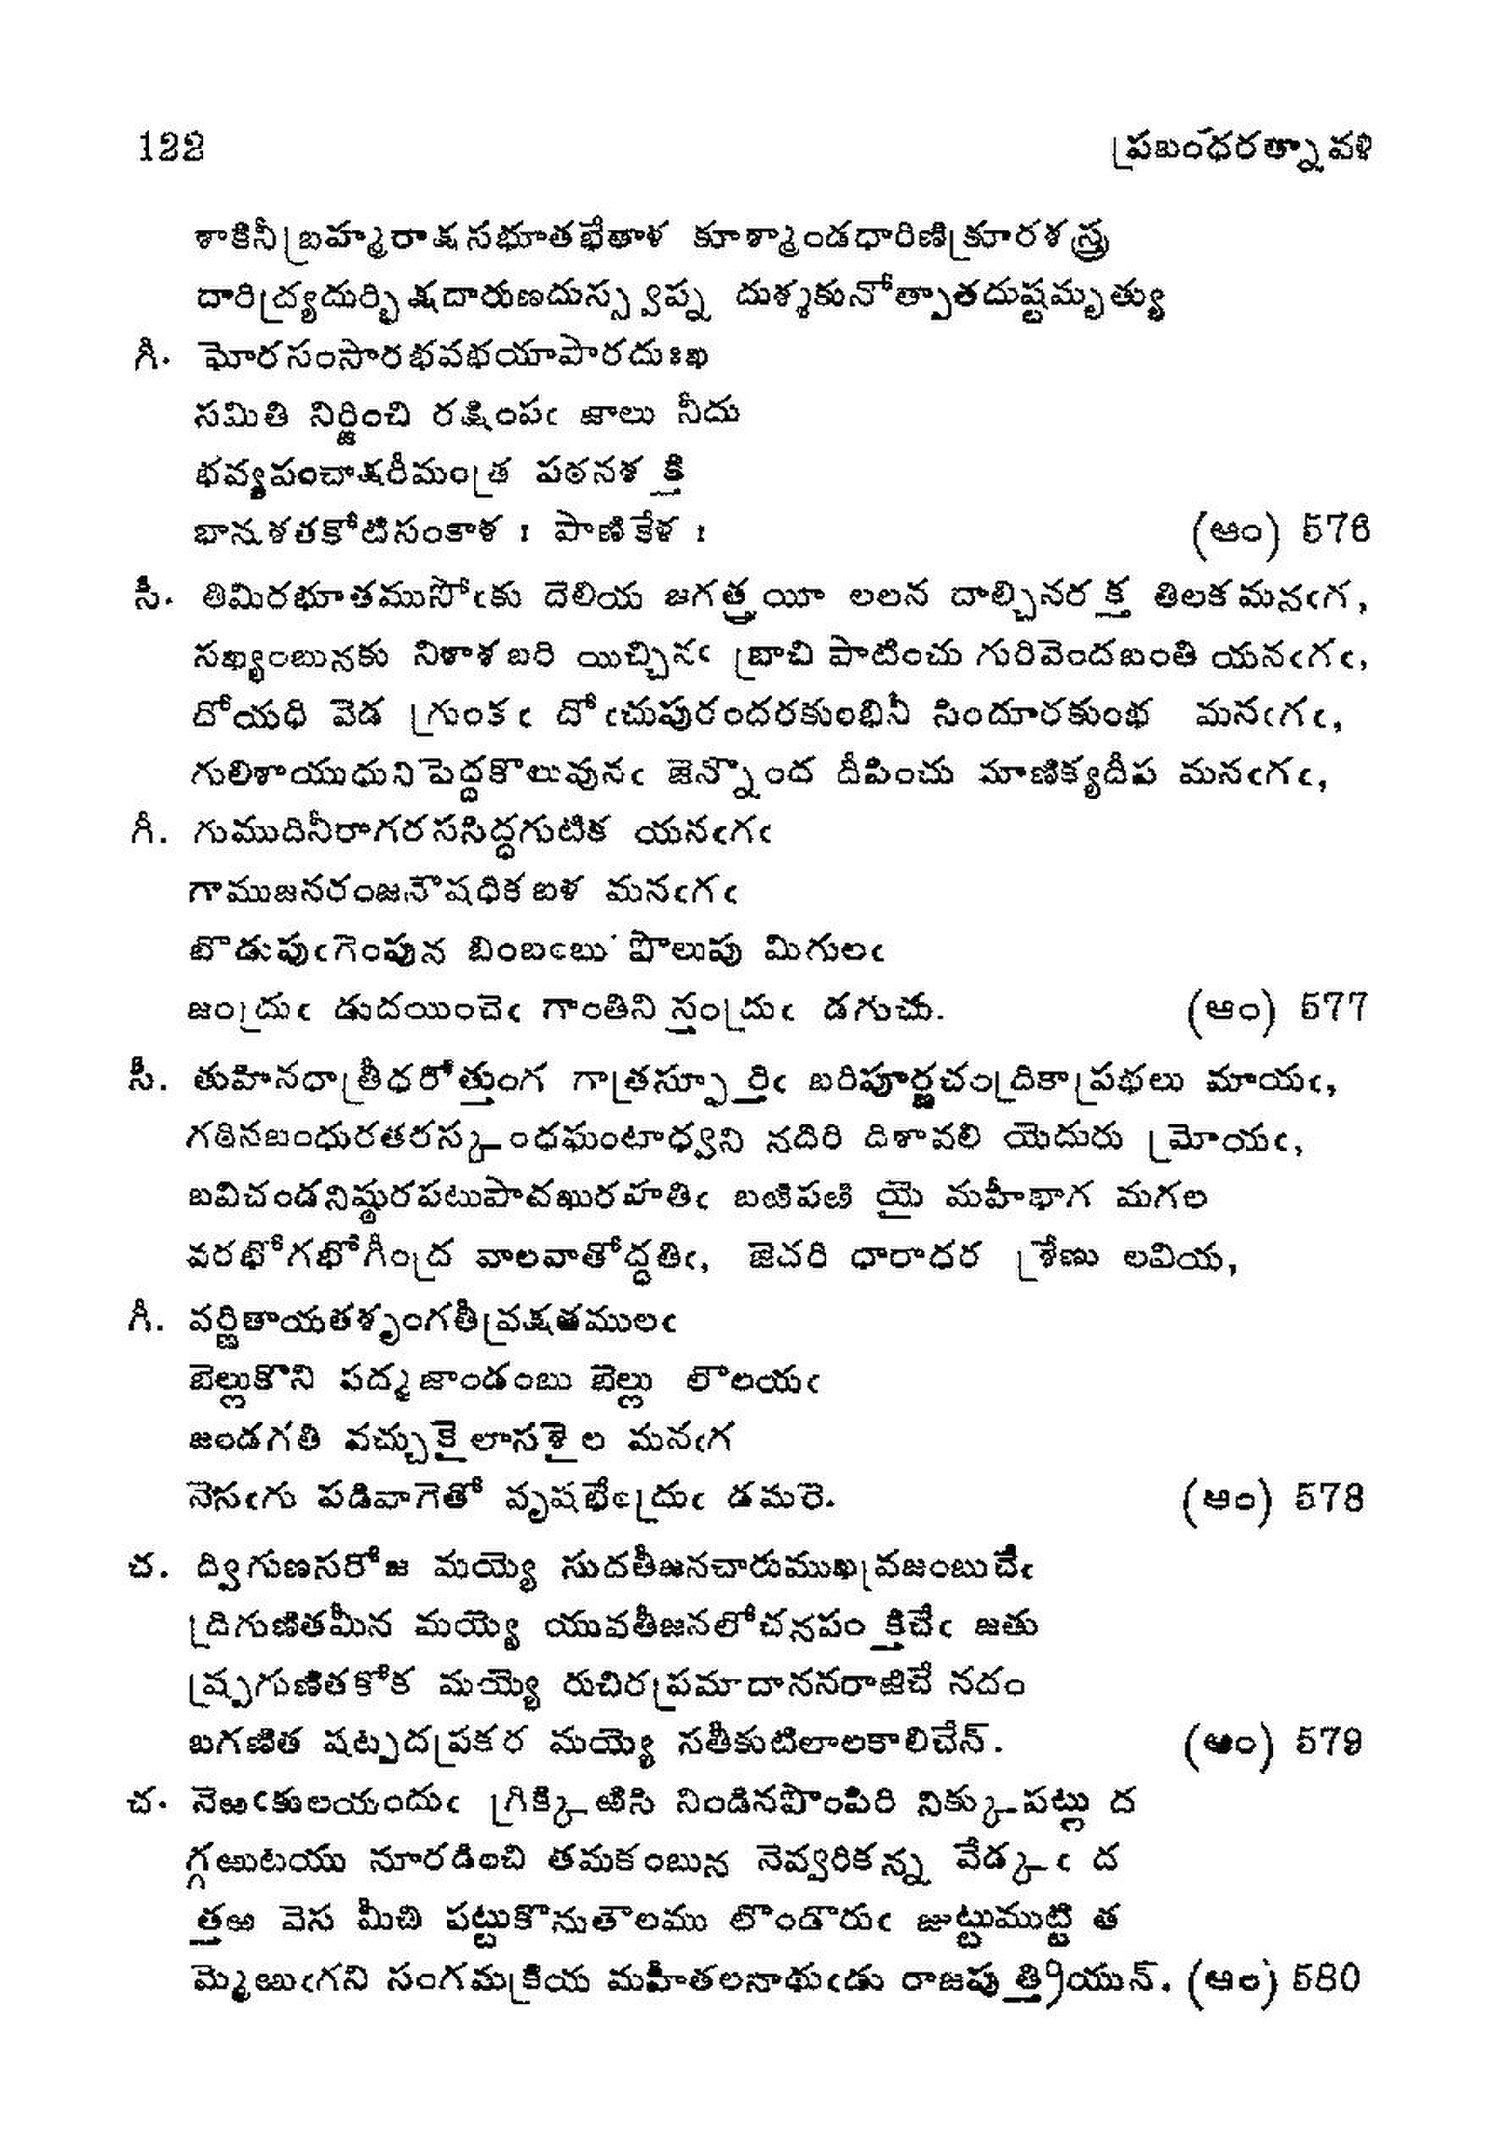శాకినీబ్రహ్మరాక్షసభూతబేతాళ కూశ్మాండధారిణిక్రూరశస్త్ర
దారిద్ర్యదుర్భిక్షదారుణదుస్స్వప్న దుశ్శకునోత్పాతదుష్టమృత్యు
గీ. ఘోరసంసారభవభయాపారదుఃఖ
సమితి నిర్జించి రక్షింపఁ జాలు నీదు
భవ్యపంచాక్షరీమంత్ర పఠనశక్తి
భానుశతకోటిసంకాశ! పాణికేశ! (ఆం) 576

సీ. తిమిరభూతముసోఁకు దెలియ జగత్త్రయీ లలన దాల్చిన రక్తతిలక మనఁగ,
సఖ్యంబునకు నిశాశబరి యిచ్చినఁ బ్రాచి పాటించు గురివెంద బంతి యనఁగఁ,
దోయధి వెడగ్రుంకఁదోఁచు పురందర కుంభినీ సింధూర కుంభ మనఁగఁ,
గులిశాయుధుని పెద్దకొలువునఁ జెన్నొంద దీపించు మాణిక్యదీప మనఁగఁ,
గీ. గుముదినీ రాగ రససిద్ధ గుటిక యనఁగఁ
గాము జనరంజనౌషధి కబళ మనఁగఁ
బొడుపుఁగెంపున బింబంబు పొలుపు మిగులఁ
జంద్రుఁ డుదయించెఁ గాంతి నిస్తంద్రుఁ డగుచు. (ఆం) 577

సీ. తుహినధాత్రీధరోత్తుంగగాత్రస్ఫూర్తిఁ బరిపూర్ణచంద్రికాప్రభలు మాయఁ,
గఠినబంధురతరస్కందఘంటాధ్వని నదిరి దిశావలి యెదులు మ్రోయఁ,
బవిచండనిష్ఠుర పటుపాదఖుర హతిఁ బఱిపఱియై మహీభాగ మగల,
వరభోగ భోగీంద్ర వాల వాతోద్ధతిఁ జెదరి ధారాధరశ్రేణు లవియ,
గీ. వర్ణితాయత శృంగతీవ్రక్షతములఁ
బెల్లుకొని పద్మజాండంబు బెల్లు లొలయఁ
జండగతి వచ్చు కైలాసశైల మనఁగ
నెసఁగు పడివాగెతో వృషభేంద్రుఁ డమరె. (ఆం) 578

చ. ద్విగుణసరోజమయ్యె సుదతీజనచారుముఖవ్రజంబుచేఁ
ద్రిగుణిత మీనమయ్యె యువతీజనలోచనపంక్తిచేఁ జతు
ష్ప్రగుణిత కోకమయ్యె రుచిరప్రమదాననరాజిచే నదం
బగణిత షట్పదప్రకరమయ్యె సతీకుటిలాలకాలిచేన్. (ఆం) 579

చ. నెఱఁకులయందుఁ గ్రిక్కిఱిసి నిండిన పొంపిరి నిక్కుపట్లు ద
గ్గఱుటయు నూరడించి తమకంబున నెవ్వరికన్న వేడ్కఁ ద
త్తఱ వెస మీచి పట్టుకొను తౌలము లొండొరుఁ జుట్టుముట్టి త
మ్మెఱుఁగని సంగమక్రియ మహీతలనాథుఁడు రాజపుత్త్రియున్. (ఆం) 580